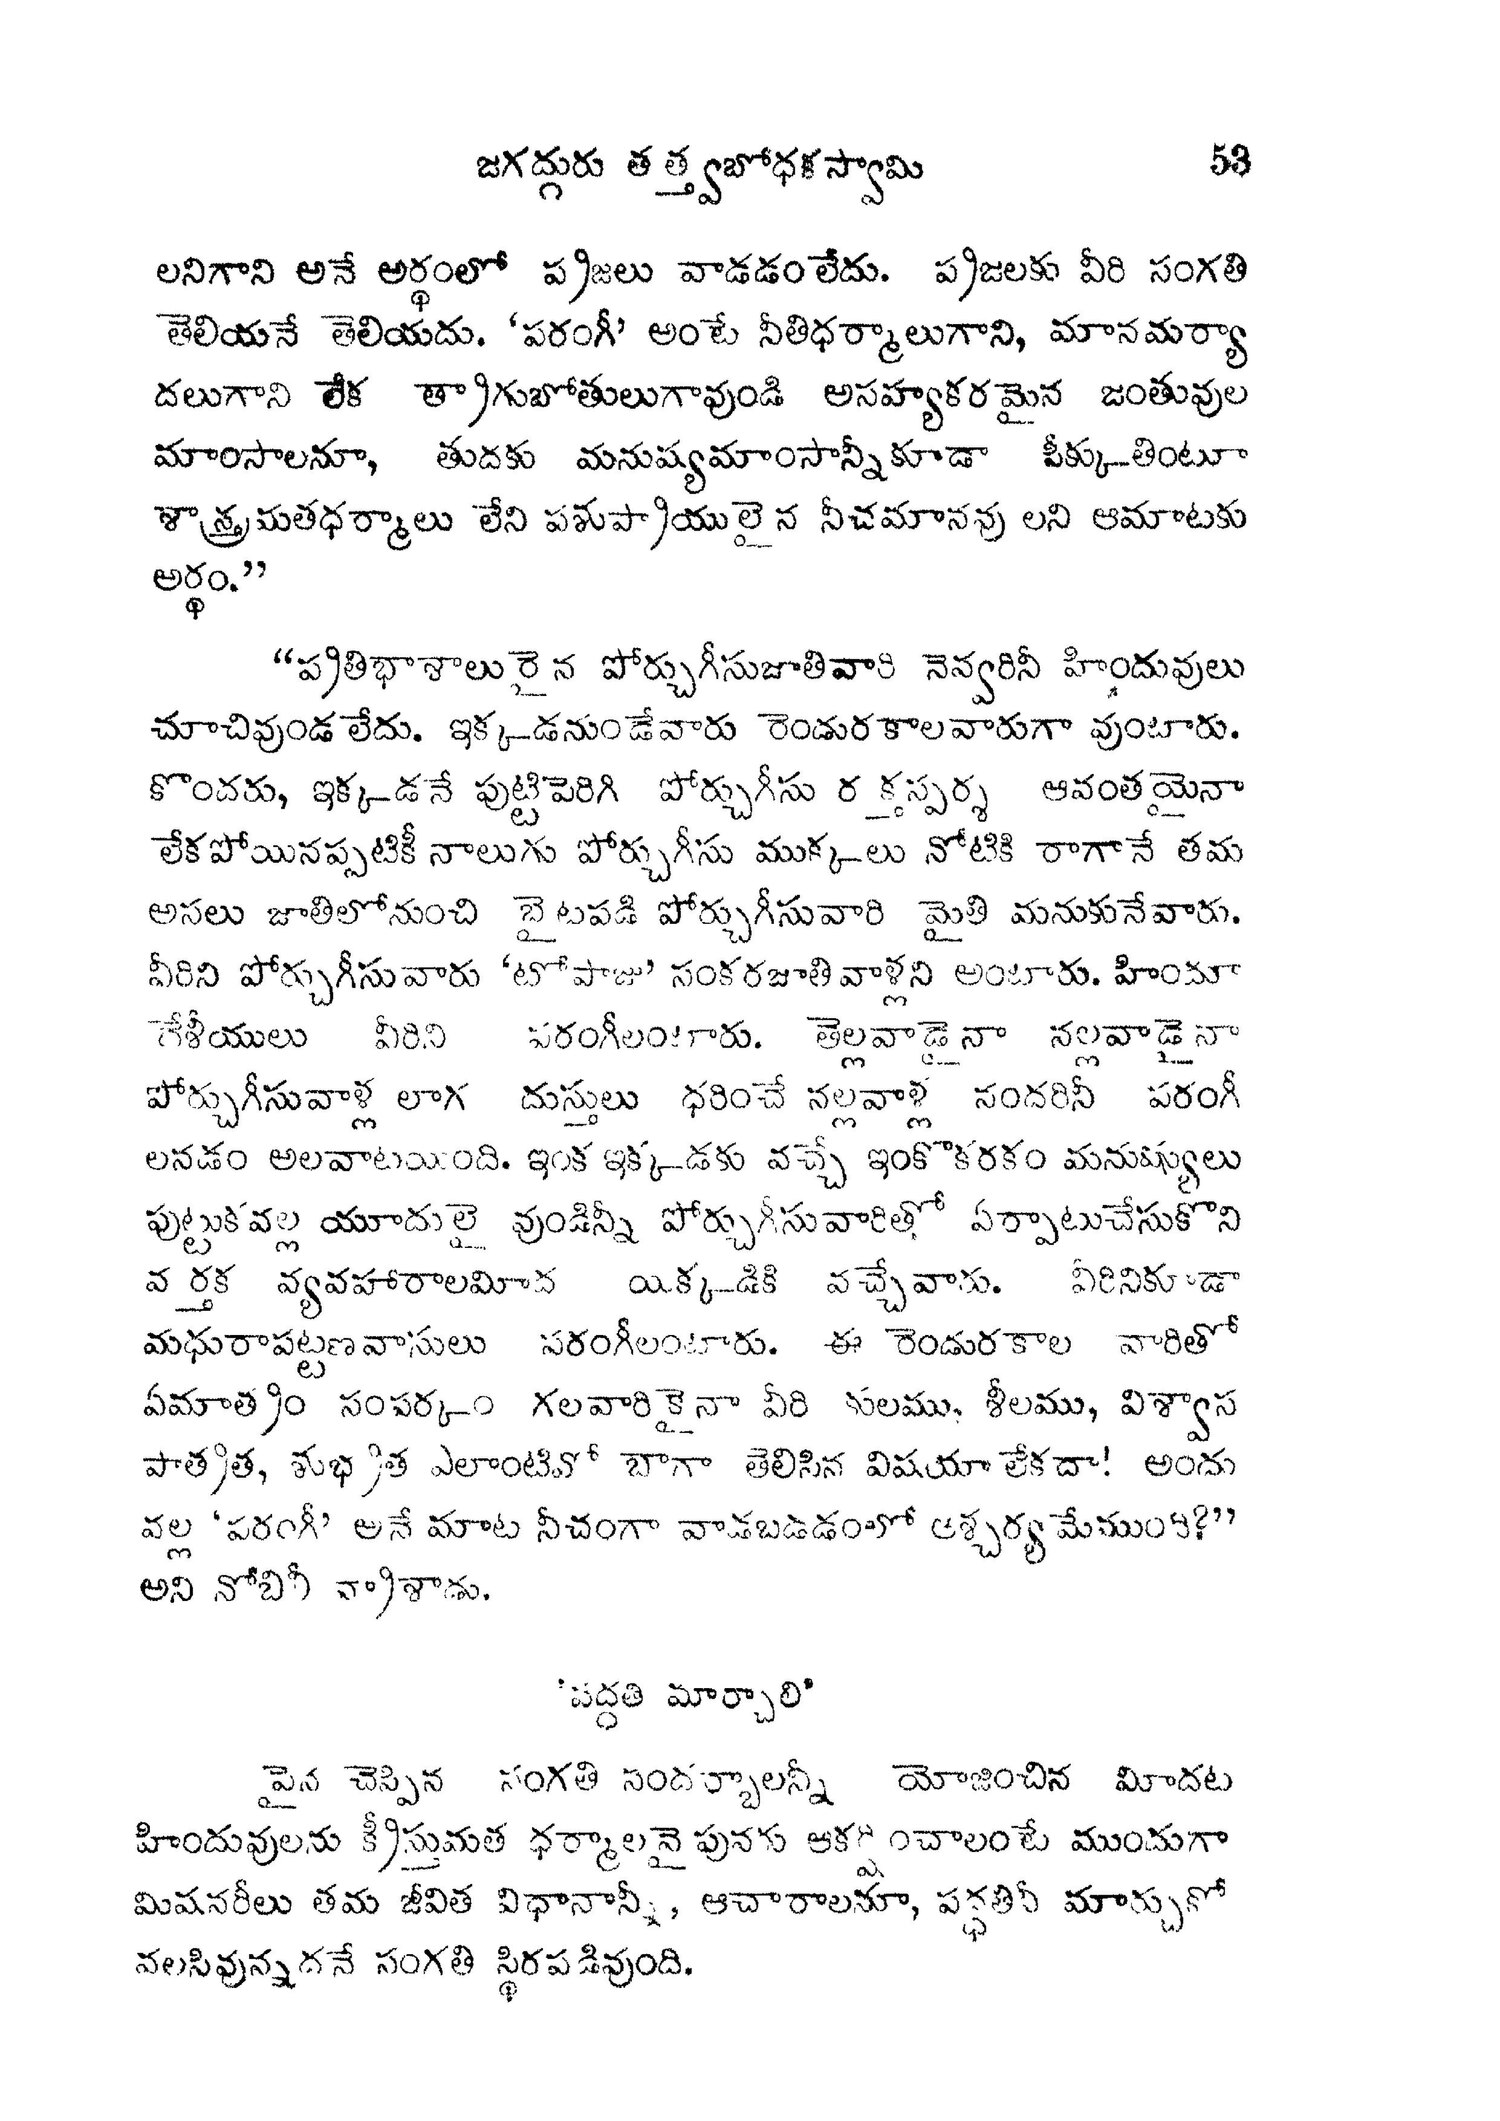లనిగాని అనే అర్ధంలొ ప్రజలు వాడడంలేదు. ప్రజలకు వీరి సంగతి తెలియనే తెలియదు. 'పరంగీ ' అంటే నీతిధర్మాలుగాని, మానమర్యాదలుగాని లేక త్రాగుబోతులుగావుండి అసహ్యకరమైన జంతువుల మాంసాలనూ, తుదకు మనుష్యమాంసాన్నీ కూడా పీక్కుతింటూ శాస్త్రమతధర్మాలు లేని పశుప్రాయులైన నీచమానవు లని ఆమాటకు అర్ధం."

"ప్రతిభాశాలురైన పోర్చుగీసుజాతివారి నెవ్వరినీ హిందువులు చూచివుండ లేదు. ఇక్కడనుండేవారు రెండురకాలవారుగా వుంటారు కొందరు, ఇక్కడనే పుట్టిపెరిగి పోర్చుగీసు రక్తస్పర్శ ఆవంతమైనా లేకపోయినప్పటికీ నాలుగు పోర్చుగీసు ముక్కలు నోటికి రాగానే తమ అసలు జాతిలోనుంచి బైటపడి పోర్చుగీసువారి మైతి మనుకునేవారు. వీరిని పోర్చుగీసువారు 'టోపాజు ' సంకర జాతివాళ్లని అంటారు. హిందూ దేశీయులు వీరిని పరంగీలంటారు. తెల్లవాడైనా నల్లవాడైనా పోర్చుగీసువాళ్ల లాగ దుస్తులు ధరించే నల్లవాళ్ల నందరినీ పరంగీ లనడం అలవాటయింది. ఇక ఇక్కడకు వచ్చే ఇంకొకరకం మనుష్యులు పుట్టుక వల్ల యూదులై వుండిన్నీ పోర్చుగీసువారితో ఏర్పాటుచేసుకొని వర్తక వ్యవహారాల మీద యిక్కడికి వచ్చేవారు. వీరినికూడా మధురాపట్టణవాసులు పరంగీలంటారు. ఈ రెండురకాల వారితో ఏమాత్రం సంపర్కం గలవారికైనా వీరి కులము,శీలము, విశ్వాసపాత్రత, శుభ్రత ఎలాంటివో బాగా తెలిసిన విషయాలే కదా! అందువల్ల 'పరంగీ ' అనే మాట నీచంగా వాడబడడంలో ఆశ్చర్యమేముంది" అని నోబిలీ వ్రాశారు.

పైన చెప్పిన సంగతి సందర్బాలన్నీ యోచించిన మీదట హిందువులను క్రీస్తుమత ధర్మాలవైపునకు ఆకర్షించాలంటే ముందుగా మిషనరీలు తమ జీవిత విధానాన్నీ, ఆచారవ్యవహారలనూ, పద్ధతినీ మార్చుకొవలసివున్నదనే సంగతి స్థిరపడివుంది.